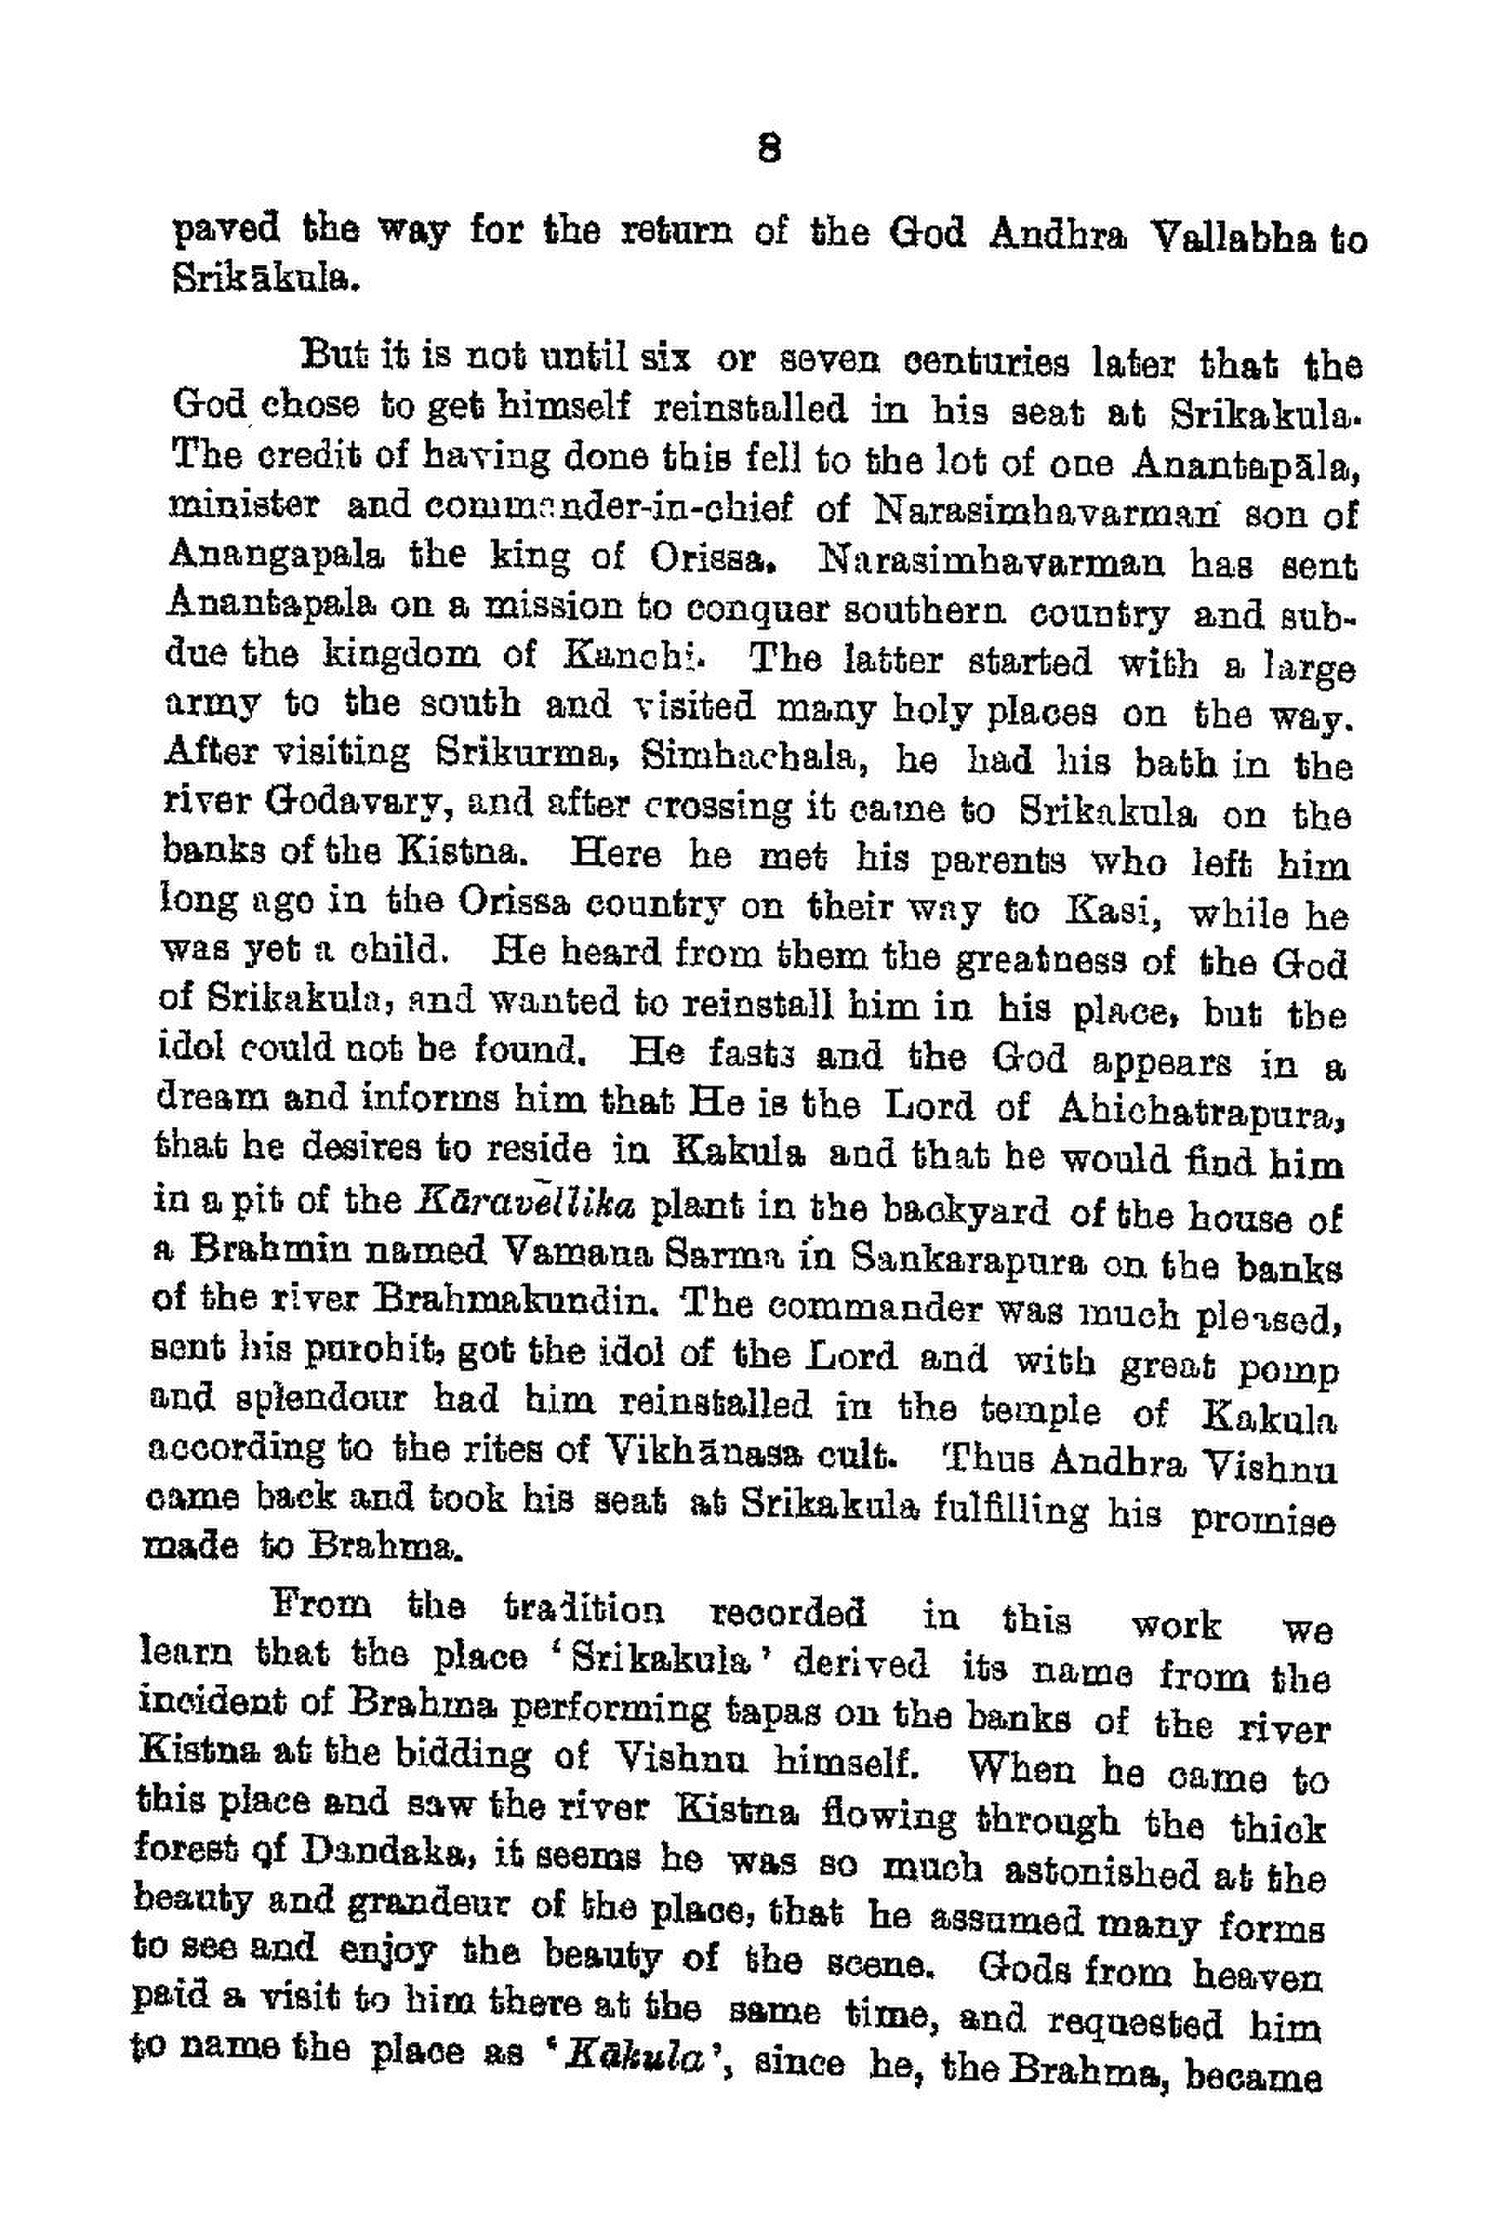paved the way for the return of the God Andhra Vallabha to Srikākula.

But it is not until six or seven centuries later that the God chose to get himself reinstalled in his seat at Srikakula.The credit of having done this fell to the lot of one Anantapāla, minister and commander-in-chief of Narasimhavarman son of Anangapala the king of Orissa. Narasimhavarman has sent
Anantapala on a mission to conquer southern country and subdue the kingdom of Kanchi. The latter started with a large army to the south and visited many holy places on the way. After visiting Srikurma, Simhachala, he had his bath in the river Godavary, and after crossing it came to Srikakula on the banks of the Kistna. Here he met his parents who left him long ago in the Orissa country on their way to Kasi, while he was yet a child. He heard from them the greatness of the God of Srikakula, and wanted to reinstall him in his place, but the idol could not be found. He fasts and the God appears in a dream and informs him that He is the Lord of Ahichatrapura, that he desires to reside in Kakula and that he would find him in a pit of the Kāravellika plant in the backyard of the house of a Brahmin named Vamana Sarma in Sankarapura on the banks of the river Brahmakundin. The commander was much pleased, sent his purohit, got the idol of the Lord and with great pomp and splendour had him reinstalled in the temple of Kakula according to the rites of Vikhānasa cult. Thus Andhra Vishnu
came back and took his seat at Srikakula fulfilling his promise made to Brahma.

From the tradition recorded in this work we learn that the place 'Srikakula' derived its name from the
incident of Brahma performing tapas on the banks of the river Kistna at the bidding of Vishnu himself. When he came to this place and saw the river Kistna flowing through the thick forest of Dandaka, it seems he was so much astonished at the beauty and grandeur of the place, that he assumed many forms
to see and enjoy the beauty of the scene. Gods from heaven paid a visit to him there at the same time, and requested him to name the place as 'Kakula', since he, the Brahma, became